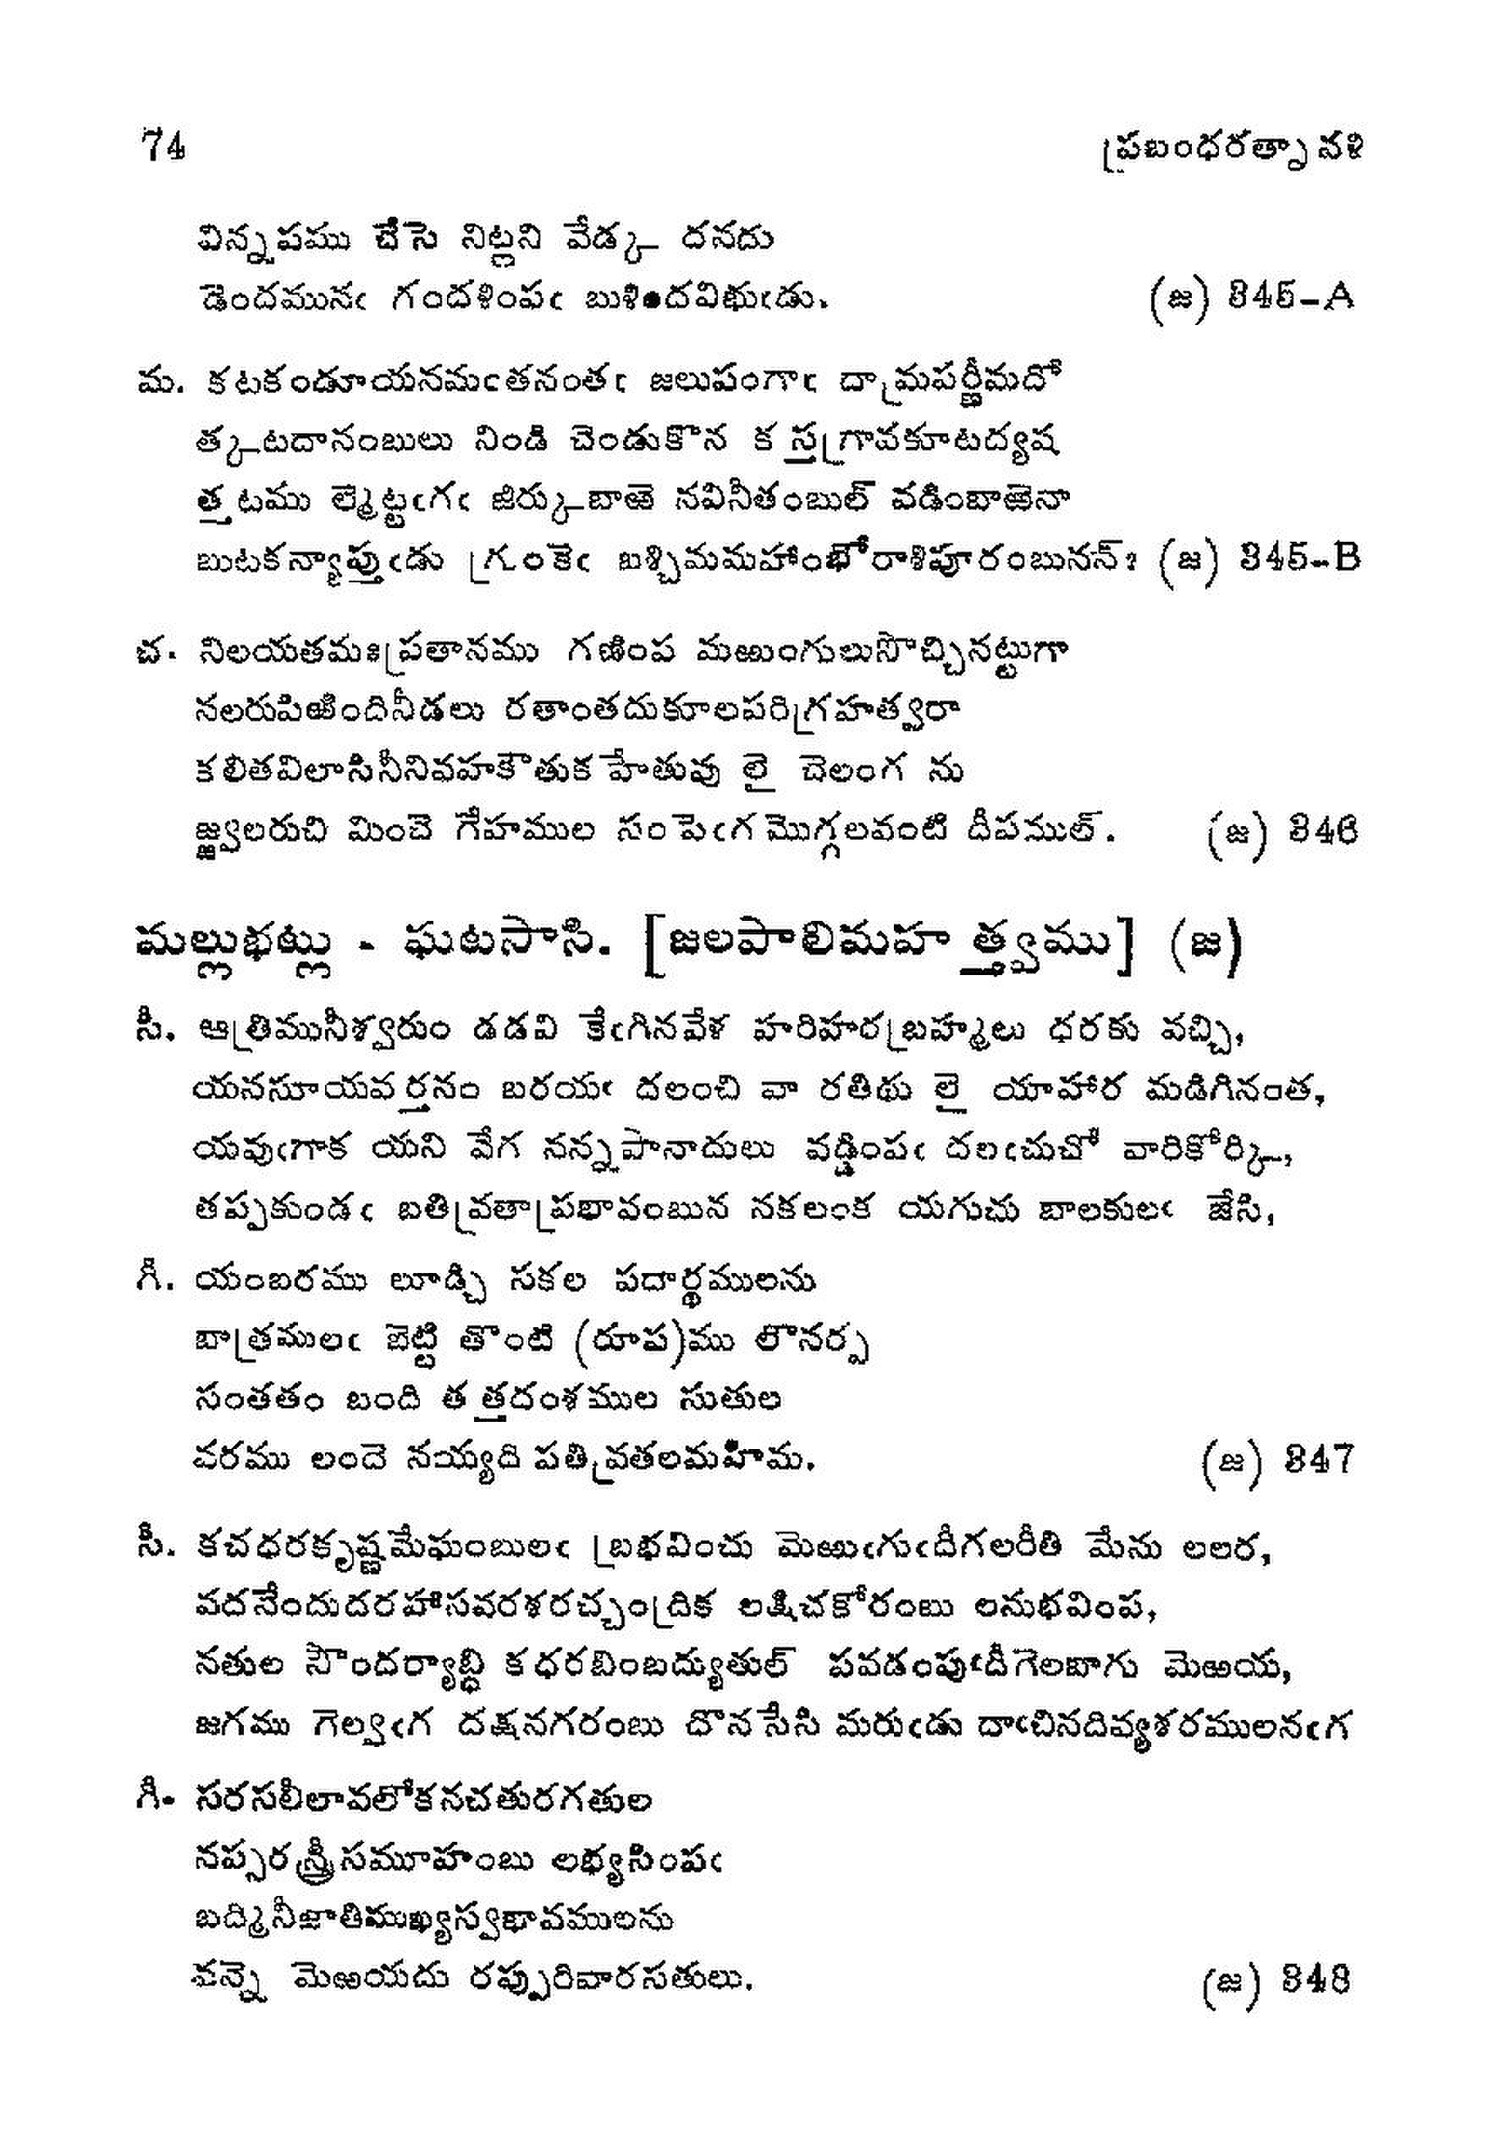విన్నపము చేసె నిట్లని వేడ్క దనదు
డెందమునఁ గందళింపఁ బుళిందవిభుఁడు. (జ) 345-A

మ. కటకండూయన మంతనంతఁ జలుపంగాఁ దామ్రపర్ణీ మదో
త్కటదానంబులు నిండి చెండుకొన కస్తగ్రావకూటద్యష
త్తటముల్ మెట్టఁగఁ జిర్కుబాఱె నవినీతంబుల్ వడింబాఱెనా
బుటకన్యాప్తుఁడు గ్రుంకెఁ బశ్చిమ మహాంభోరాశి పూరంబునన్. (జ) 345-B

చ. నిలయతమఃప్రతానము గణింప మఱుంగులు సొచ్చినట్టుగా
నలరు పిఱిందినీడలు రతాంతదుకూలపరిగ్రహ త్వరా
కలిత విలాసినీ నివహకౌతుక హేతువులై చెలంగ ను
జ్జ్వలరుచి మించె గేహముల సంపెఁగమొగ్గలవంటి దీపముల్. (జ) 346

మల్లుభట్లు, ఘటసాసి [జలపాలిమహత్త్వము] (జ)
సీ. అత్రిమునీశ్వరుం డడవి కేఁగిన వేళ హరిహరబ్రహ్మలు ధరకు వచ్చి,
యనసూయ వర్తనం బరయఁ దలంచి వా రతిథులై యాహార మడిగినంత,
యవుగాక యని వేగ నన్నపానాదులు వడ్డింపఁ దలఁచుచో వారికోర్కి,
తప్పకుండఁ బతివ్రతాప్రభావంబున నకళంక యగుచు బాలకులఁ జేసి,
తే. యంబరము లూడ్చి, సకలపదార్థములను
పాత్రములఁ బెట్టి, తొంటి [రూప]ము లొనర్ప
సంతతం బంది, తత్తదంశముల సుతుల
వరము లందె, నయ్యది పతివ్రతల మహిమ. (జ) 347

సీ. కచభరకృష్ణమేఘంబులఁ బ్రభవించు మెఱుంగుఁదీగలరీతి మేను లలర
వదనేందుదరహాసవరశరచ్చంద్రిక లక్షిచకోరంబు లనుభవింప
నతులసౌందర్యాబ్ధి కధరబింబద్యుతుల్ పవడంపుఁదీగెల బాగు మెఱయ
జగముఁ గెల్వఁగ దక్షనగరంబు దొనసేసి మరుఁడు దాఁచిన దివ్యశరము లనఁగ
తే. సరసలీలావలోకనచతురగతుల
నప్సరస్త్రీసమూహంబు లభ్యసింపఁ
బద్మినీజాతిముఖ్యస్వభావములను
వన్నె మెఱయదు రప్పురివారసతులు. (జ) 348